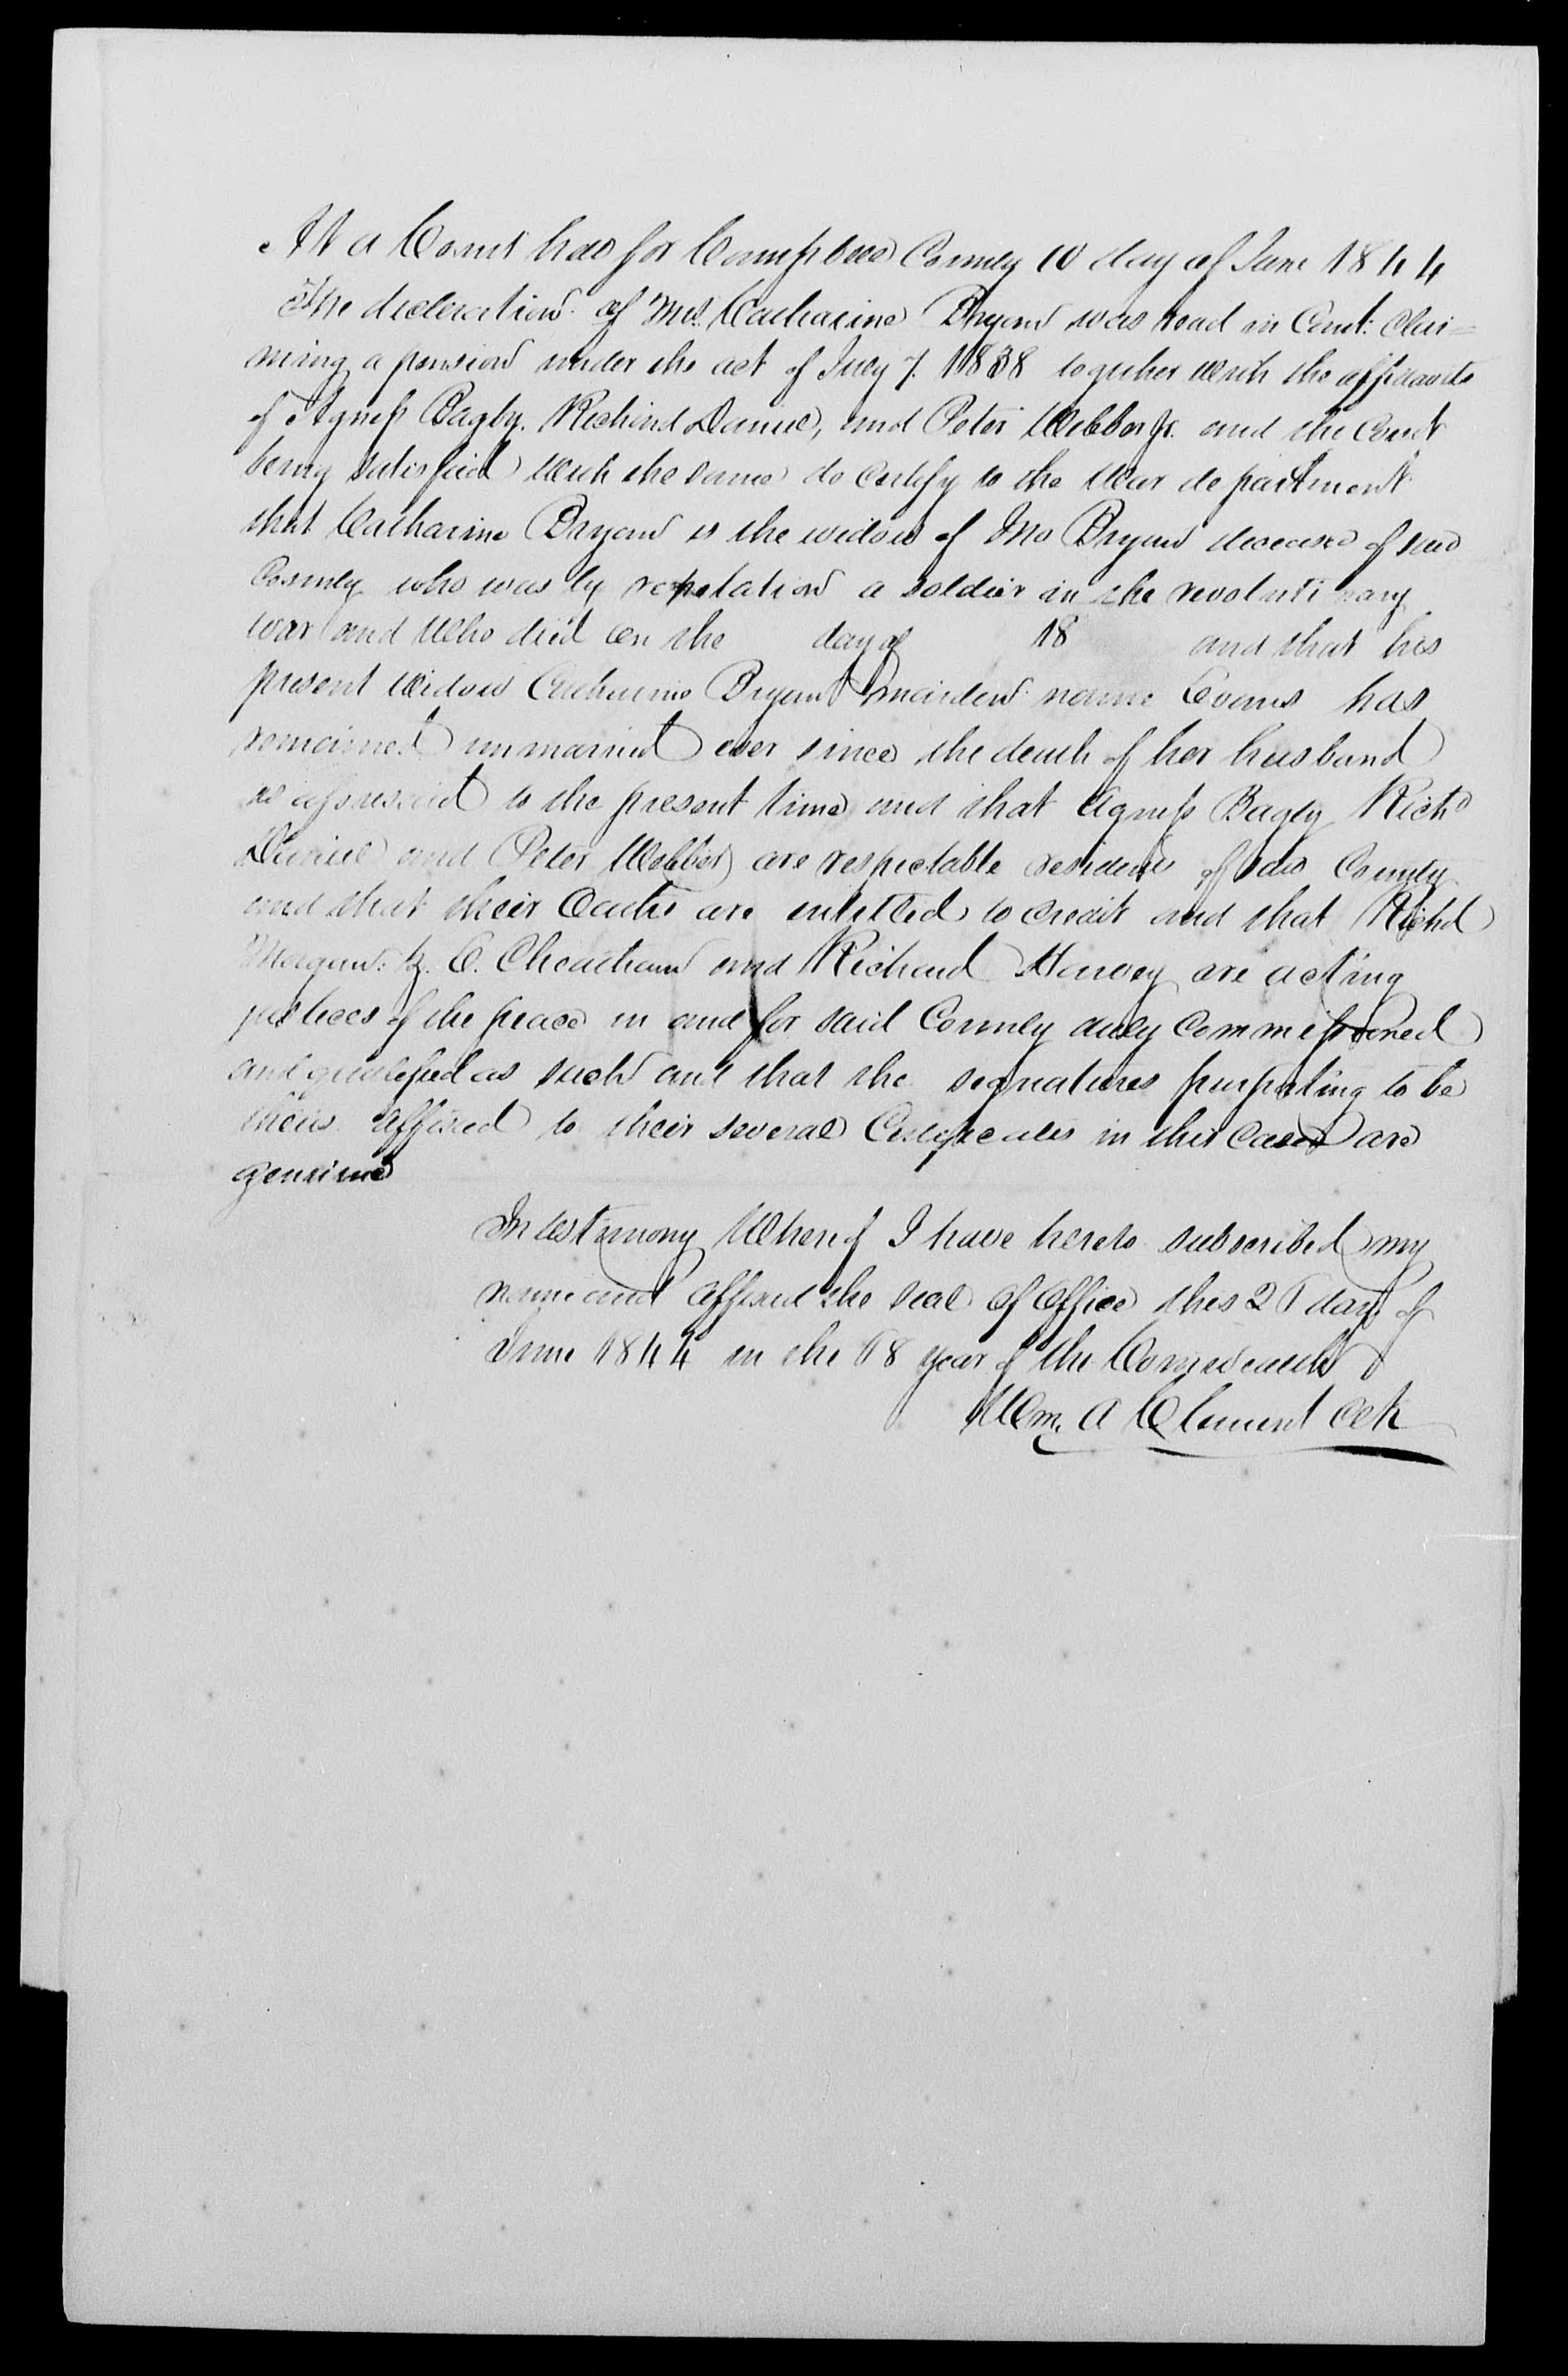At a Court held for Campbell County 10 day of June 1844 The declaration of Mrs. Catharine Bryan widow new hand in Cout: [illegible]. using a pension under the act of July 7. 1838. together with the affidavits of Agness Bagby, Richd Morgan and Peter Webber and the Court being satisfied such the come do certify to the War Department that Catharine Bryan is the widow of Jno Bryan deceased of comply who [illegible] revaluation a soldier in the revolutionary war and who died in the the day 18 and that his [illegible] widowed Catherine Bryan [illegible] name bound has remained unremarried ever since the death of her husband and resigned to the present time and that Agness Bagby Richd Morgan and Peter Webber are respectable inhabitants of said County and that their oaths are entitled to credit and that Richd Daniel, Z E Cheatham and Richard Harvey are acting justices of the peace in and for said County duly commissioned and qualified [illegible] and that the signatures purporting to be their applied to their several Certificates is there [illegible] and genuine.

In testimony Whereof I have hereto administered my name and affixed the seal of office this 20th day of June 1844 in the 68 year of the Commonwealth.

[signature] Wm A Clement clk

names: Catharine Bryan, Richd Morgan, Catharine Bryan, Evans, Jno Bryan, Catharine Bryan, Agness Bagby, Z E Cheatham, Richard Daniel, Peter Webber, Richard Harvey, Richd Daniel, Wm A Clement, Agness Bagby, Peter Webber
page: 17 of 31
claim: widow's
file: W. 3759, John Bryan, Va.